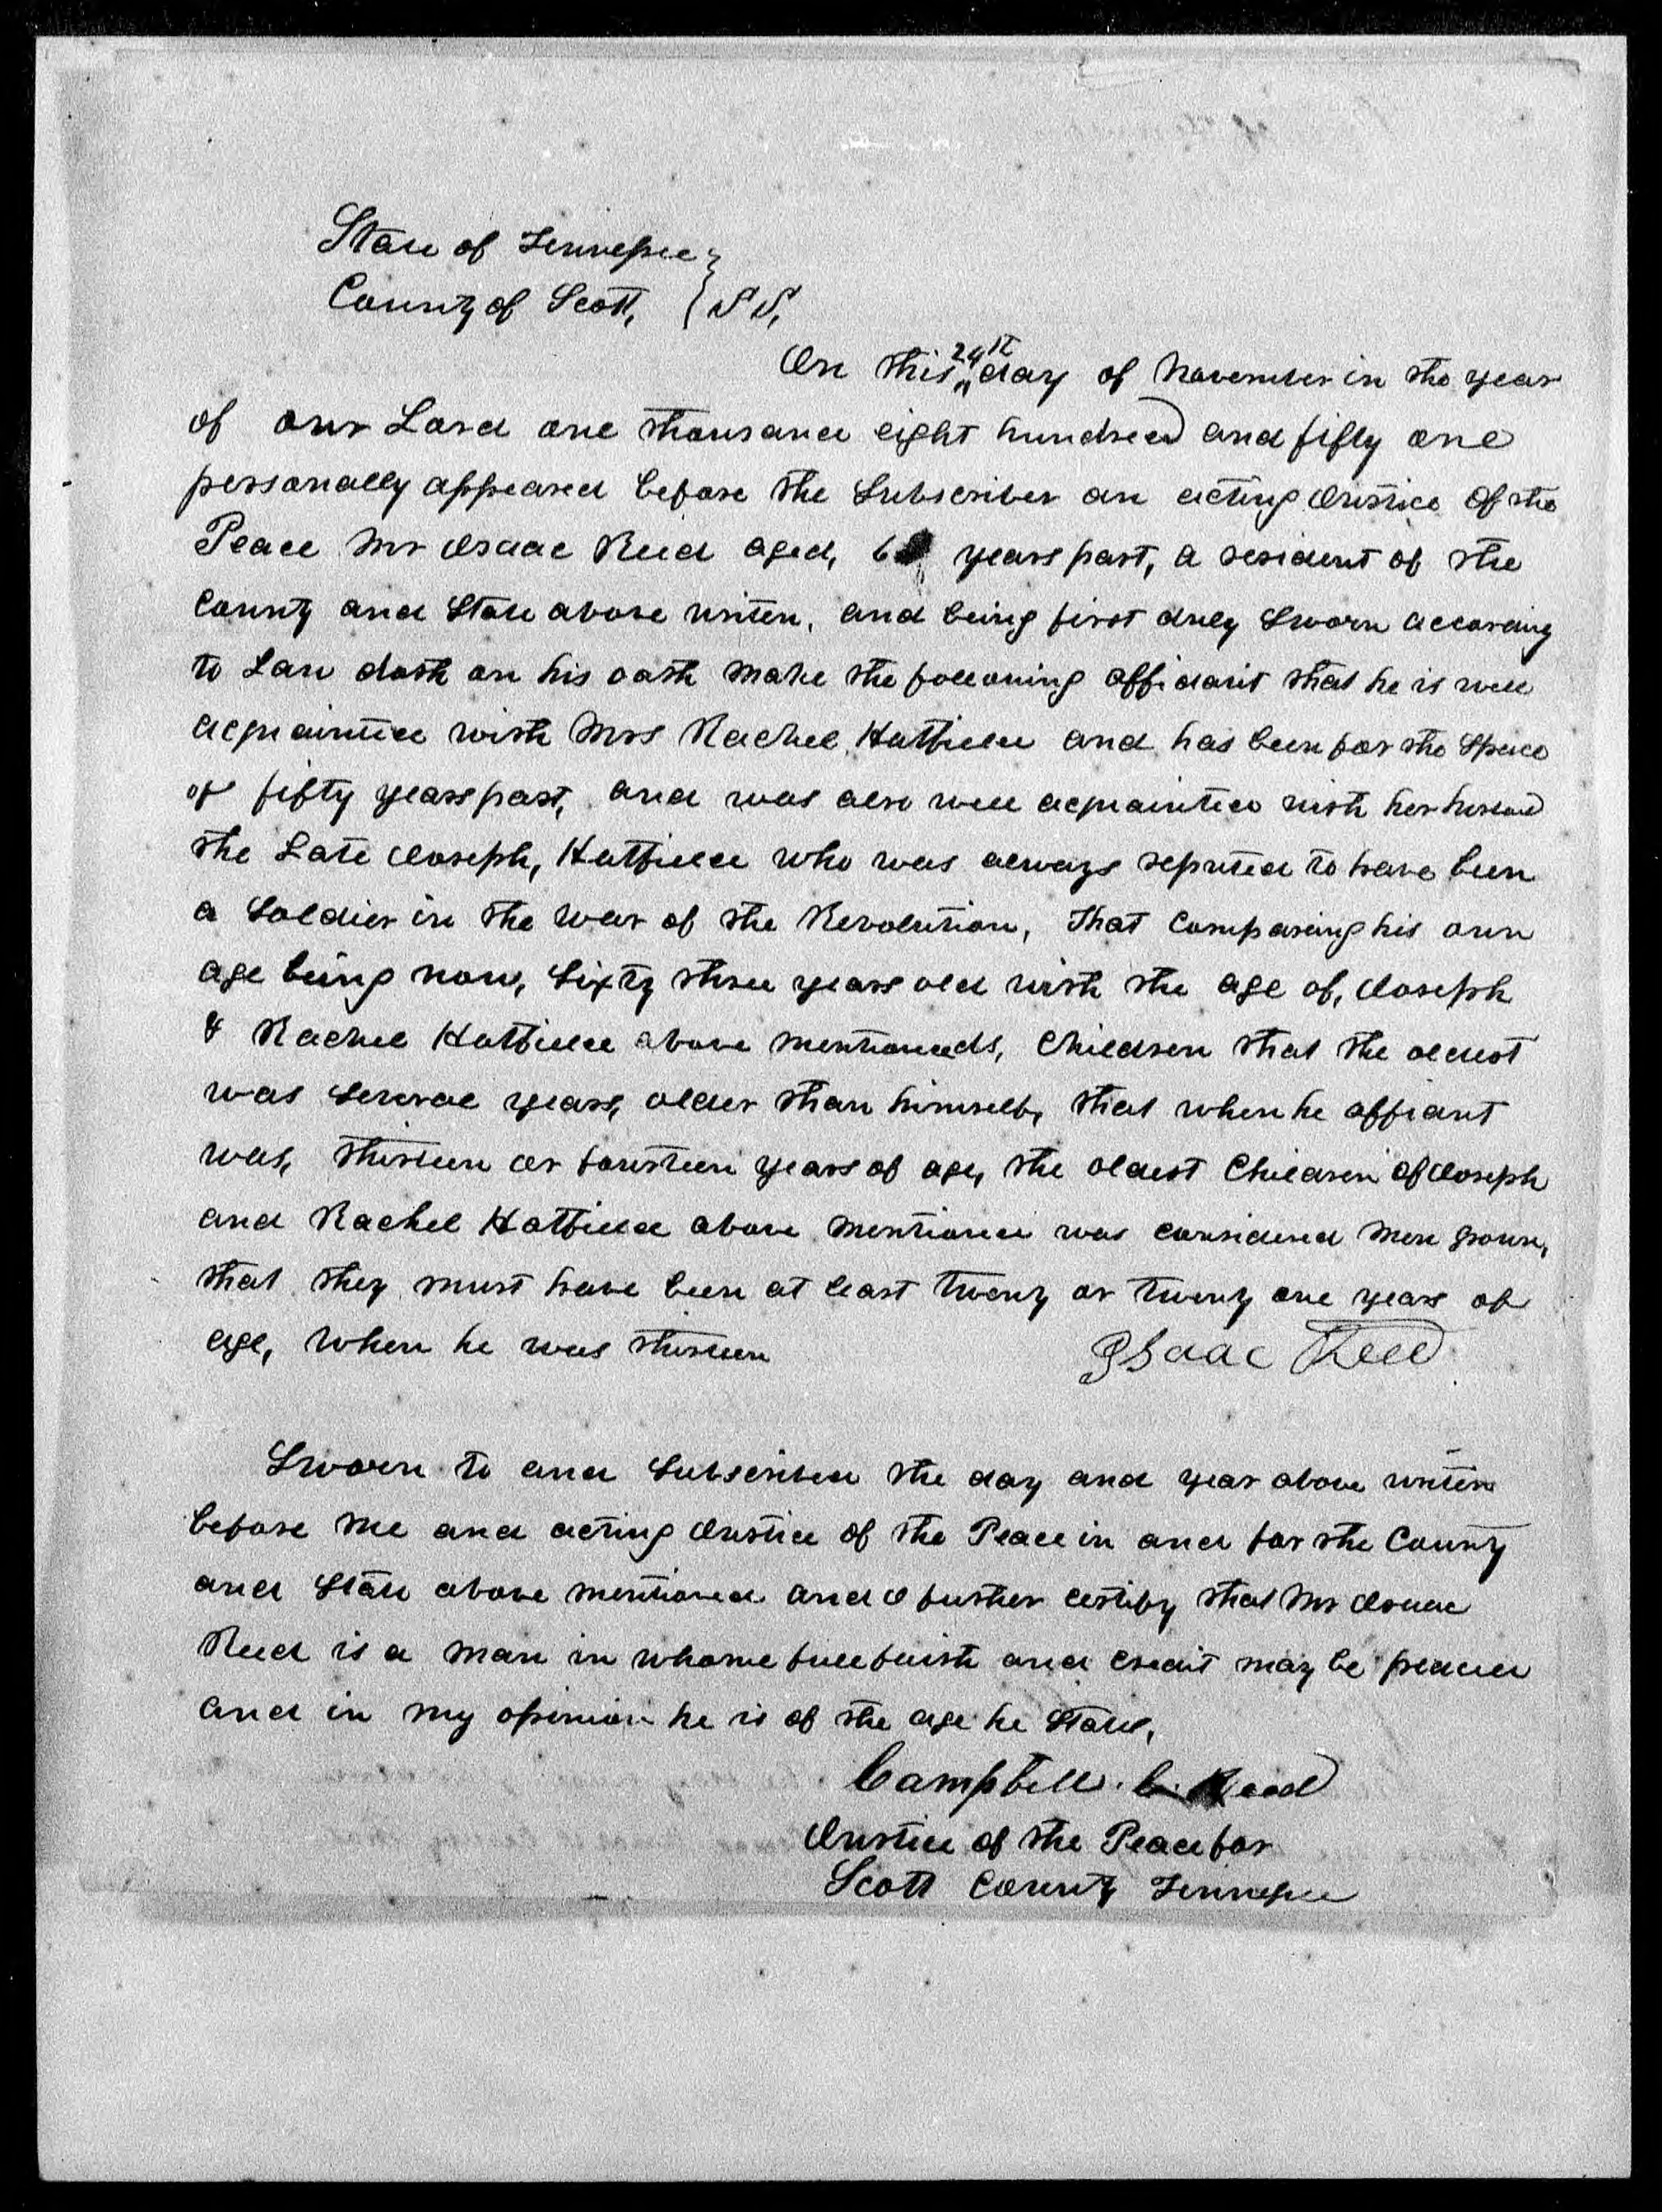State of Tennessee
County of Scott} SS
.
On this 24th day of November in the year
of our Lord one thousand eight hundred and fifty one personally appeared before the Subscriber an acting Justice of the Peace Mr Isaac Reed aged 60 years past, a resident of the County and State above written, and being first duly sworn according to Law doth on his oath make the following affidavit that he is well acquainted with Mrs Rachel Hatfield and has been for the space of fifty years past, and was also well acquainted with her husband
the Late Joseph Hatfield who was always reported to have been a soldier in the war of the Revolution. That comparing his own
age being now, sixty three years old with the age of Joseph & Rachel Hatfield above mentioned children that the deceased
was several years older than himself, that when he affiant was thirteen or fourteen years of age, the oldest children of Joseph
and Rachel Hatfield above mentioned was considered man grown that they must have been at least twenty or twenty one years of
age, when he was thirteen.
Isaac Reed [signature]

Sworn to and subscribed the day and year above written before me and acting Justice of the Peace in and for the County and State above mentioned and I further certify that Mr Isaac Reed is a man in whome full faith and credit may be [illegible] and in my opinion he is of the age he states
Campbell C. Reese
Justice of the Peace for
Scott County Tennessee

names: Joseph Hatfield, Rachel Hatfield, Isaac Reed, Isaac Reed, Joseph Hatfield, Campbell C Reed, Isaac Reed, Rachel Hatfield, Rachel Hatfield, Joseph Hatfield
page: 51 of 74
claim: widow's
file: W. 5, Joseph Hatfield, Va.